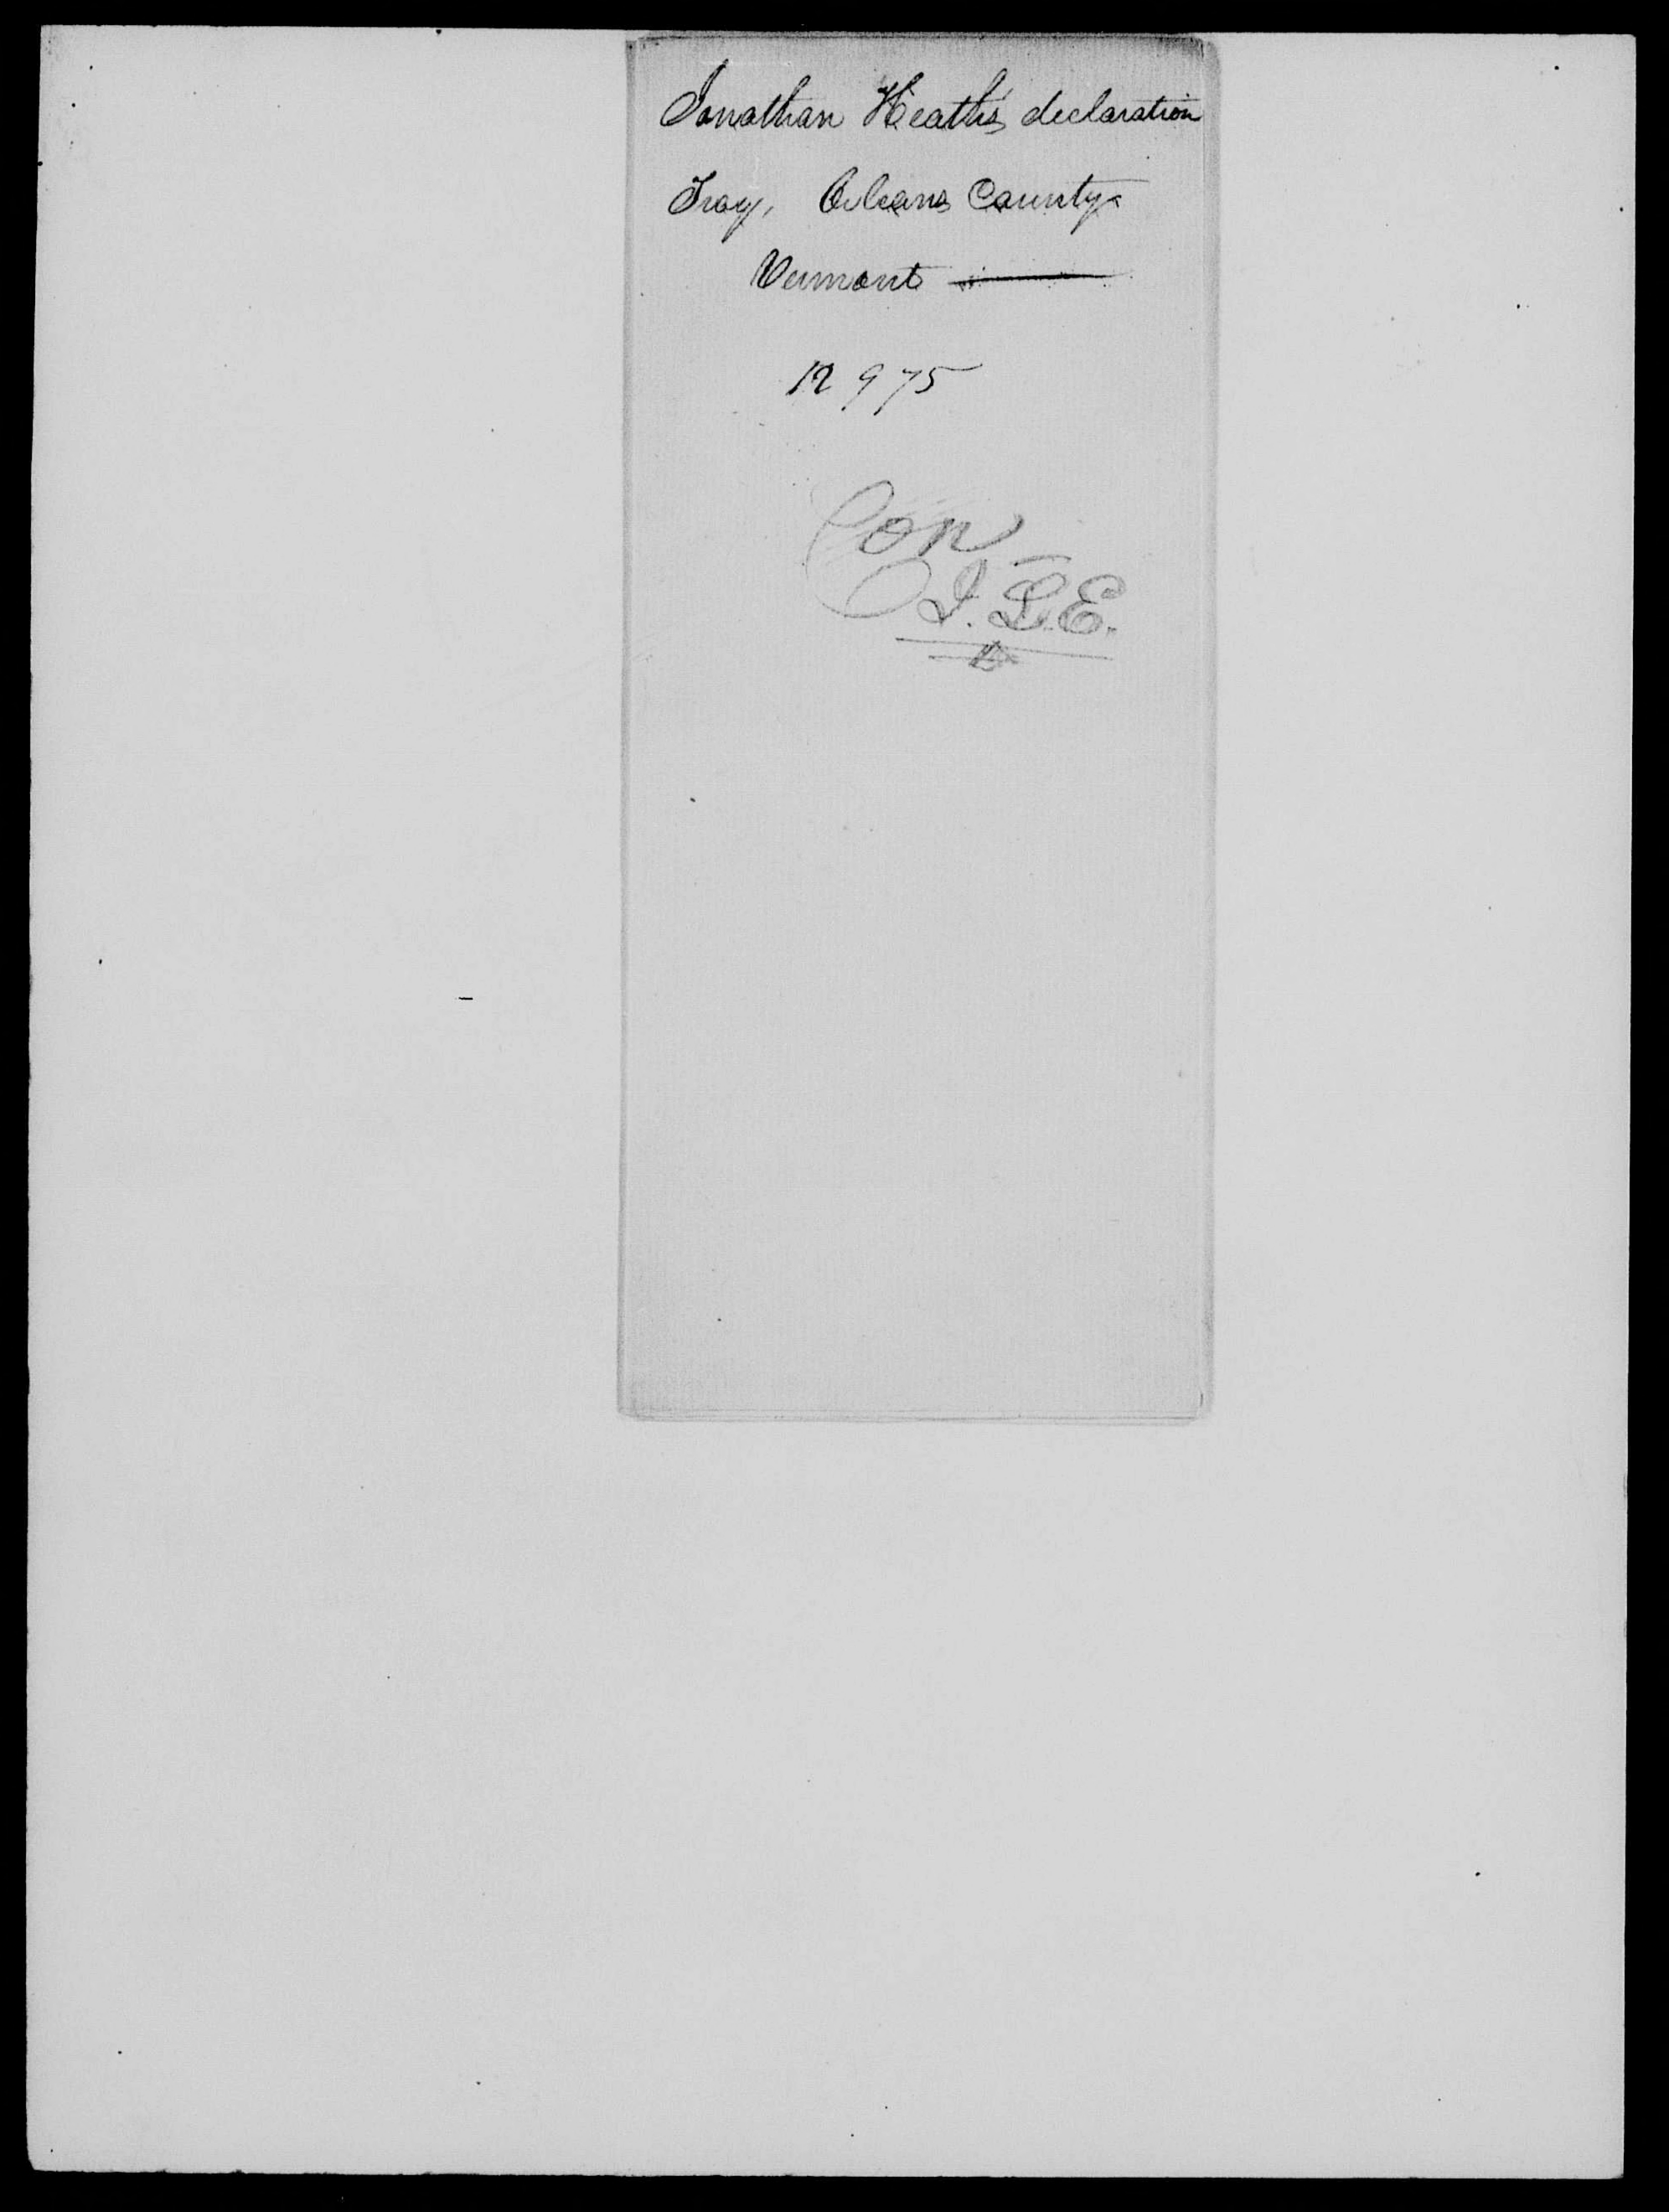Jonathan Heath, declaration
Troy, Orleans County Vermont

12975 
Con  
I. L. E.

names: Jonathan Heath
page: 10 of 22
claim: survivor's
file: S. 38821, Jonathan Heath, Continental N.H.